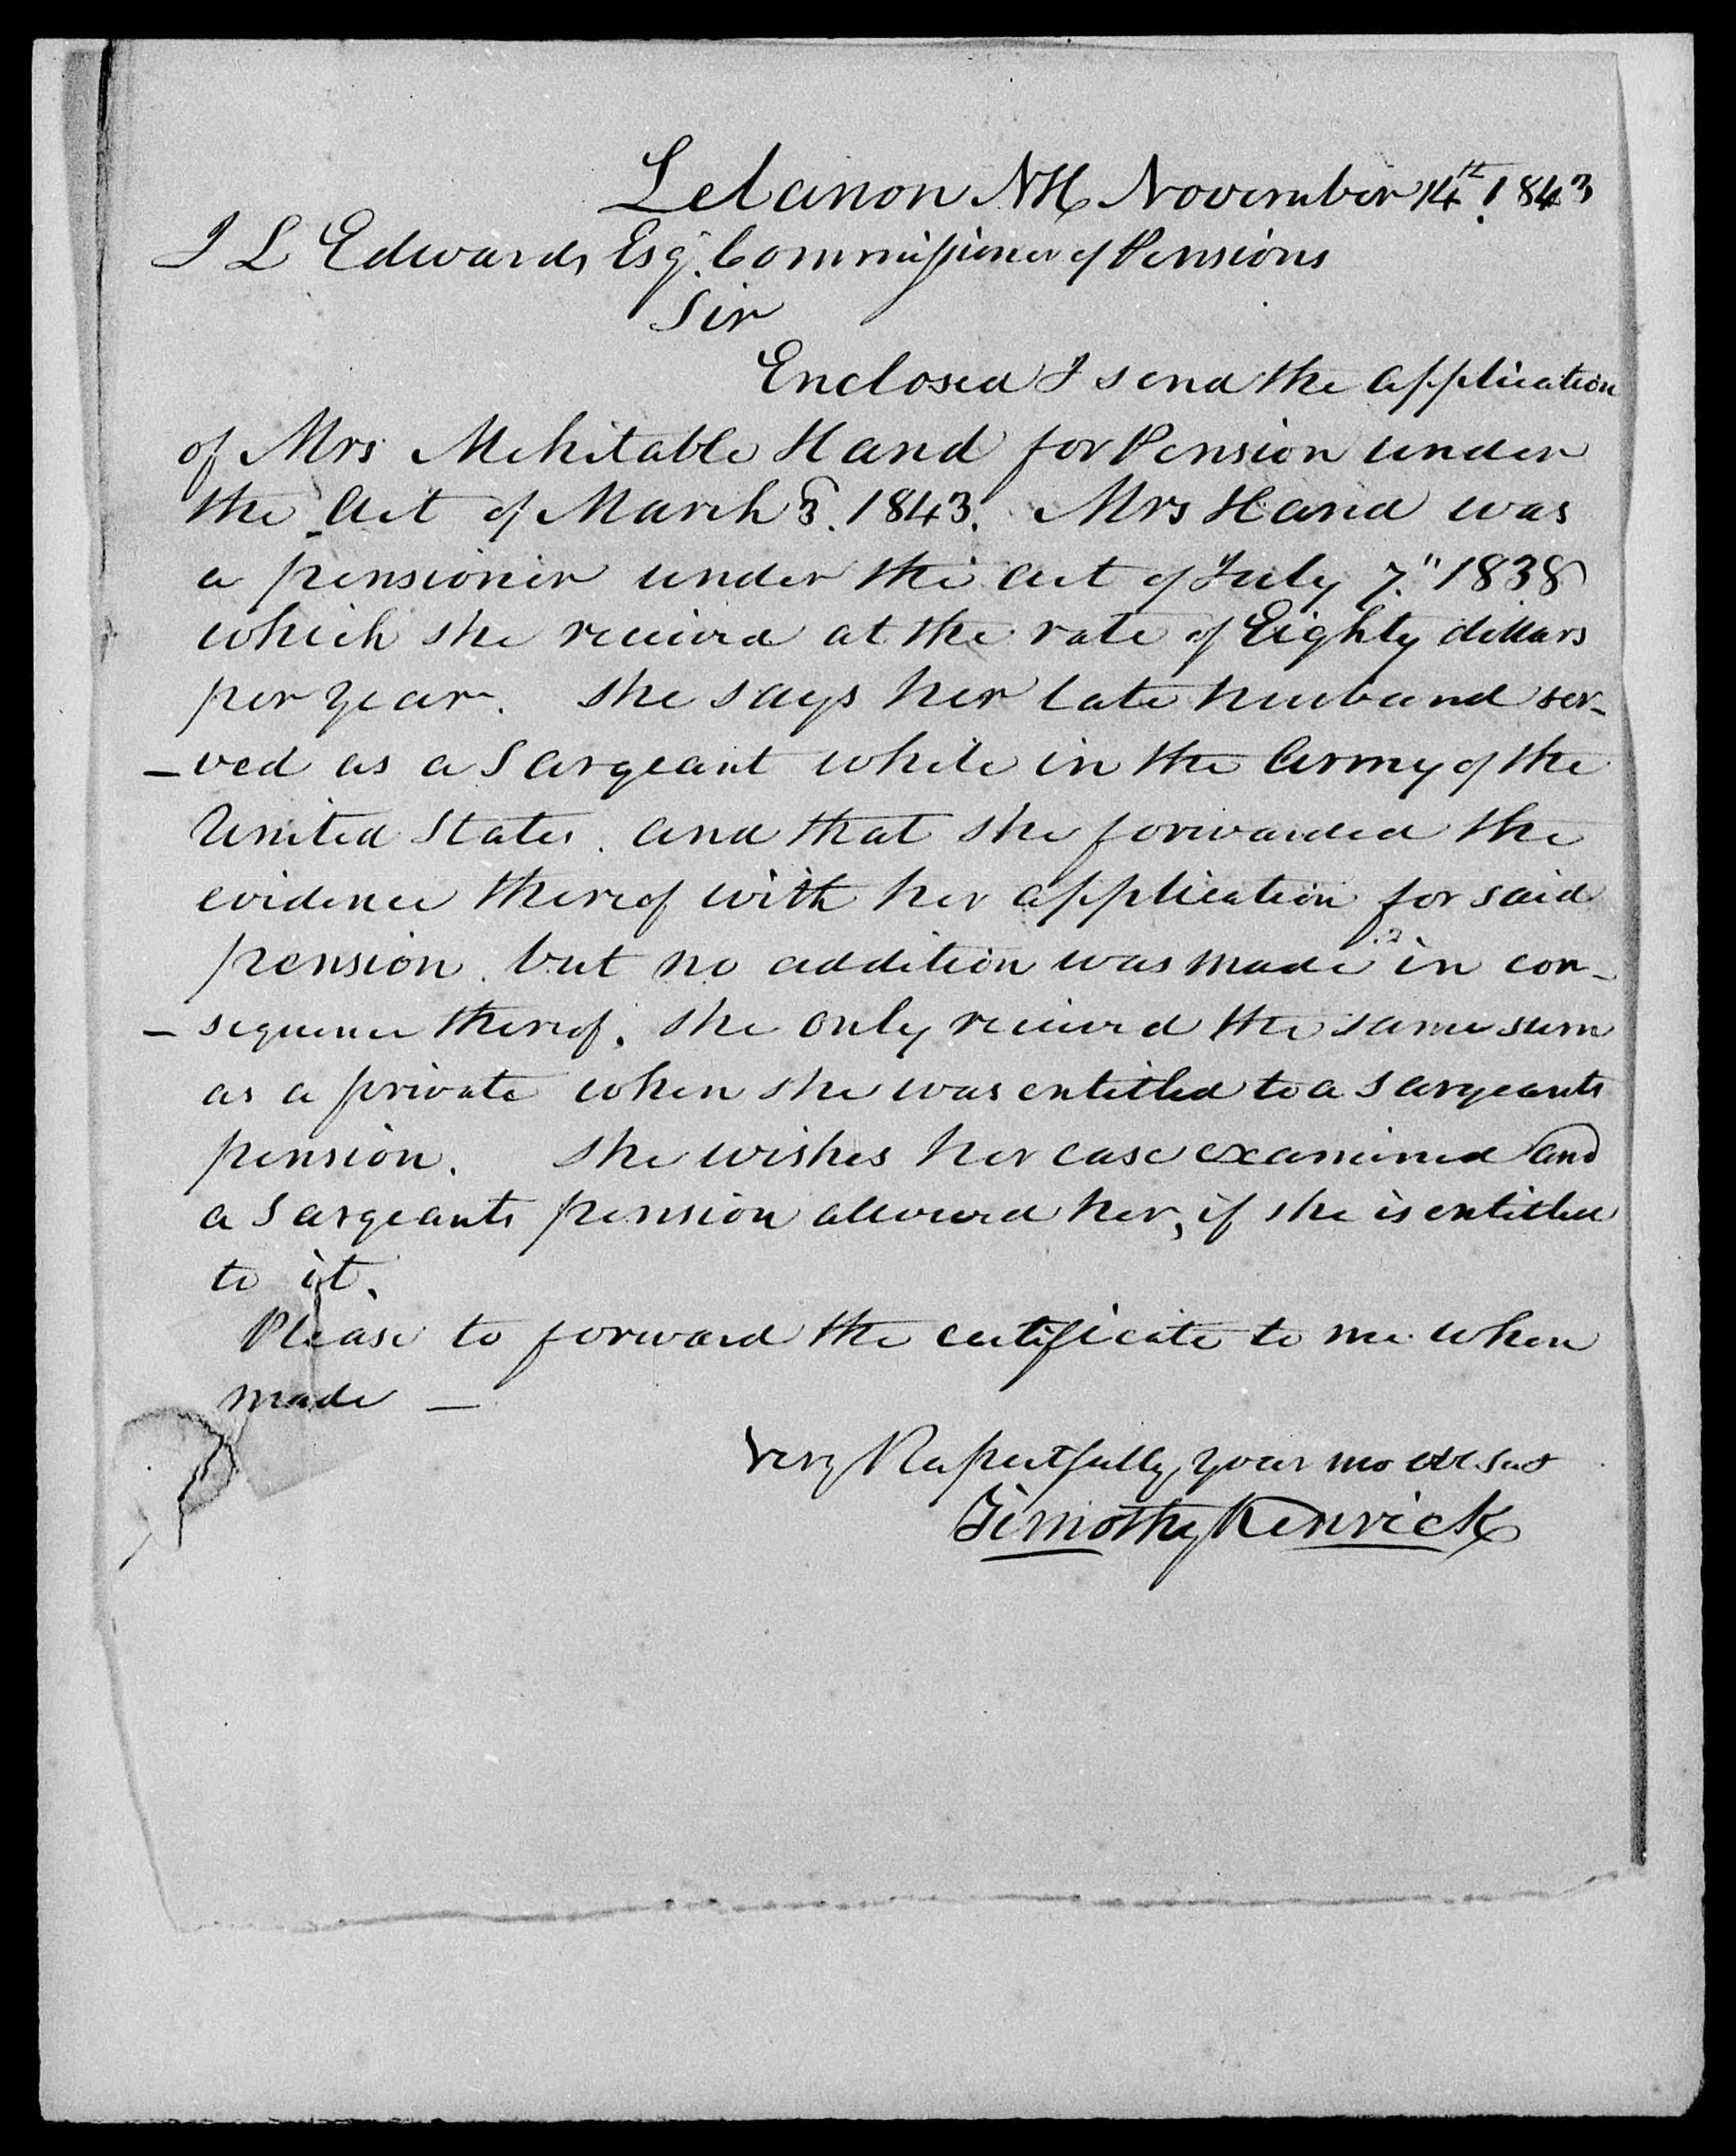Lebanon NH November 14th 1843
J L Edwards Esq Commissioner of Pensions
Sir
Enclosed I send the application
of Mrs Mehitable Hand for Pension under the
act of March 3, 1843. Mrs Hand was a
pensioner under the act of July 7, 1838
which she received at the rate of Eighty dollars
per year. She says her late husband served as a Sargeant while in the Army of the
United States, and that she forwarded the
evidence thereof with her application for said
pension, but no addition was made in consequence thereof. She only received the same sum as a private when she was entitled to a sargeants pension. She wishes her case examined and a Sargeants pension allowed her, if she is entitled to it.
Please to forward the certificate to me when
made
Very Respectfully your [illegible]
Timothy Kenrick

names: Hand, Mehitable Hand, J L Edwards, Timothy Kenrick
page: 25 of 42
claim: widow's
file: W. 19,722, Ira Hand, N.H. Vt.